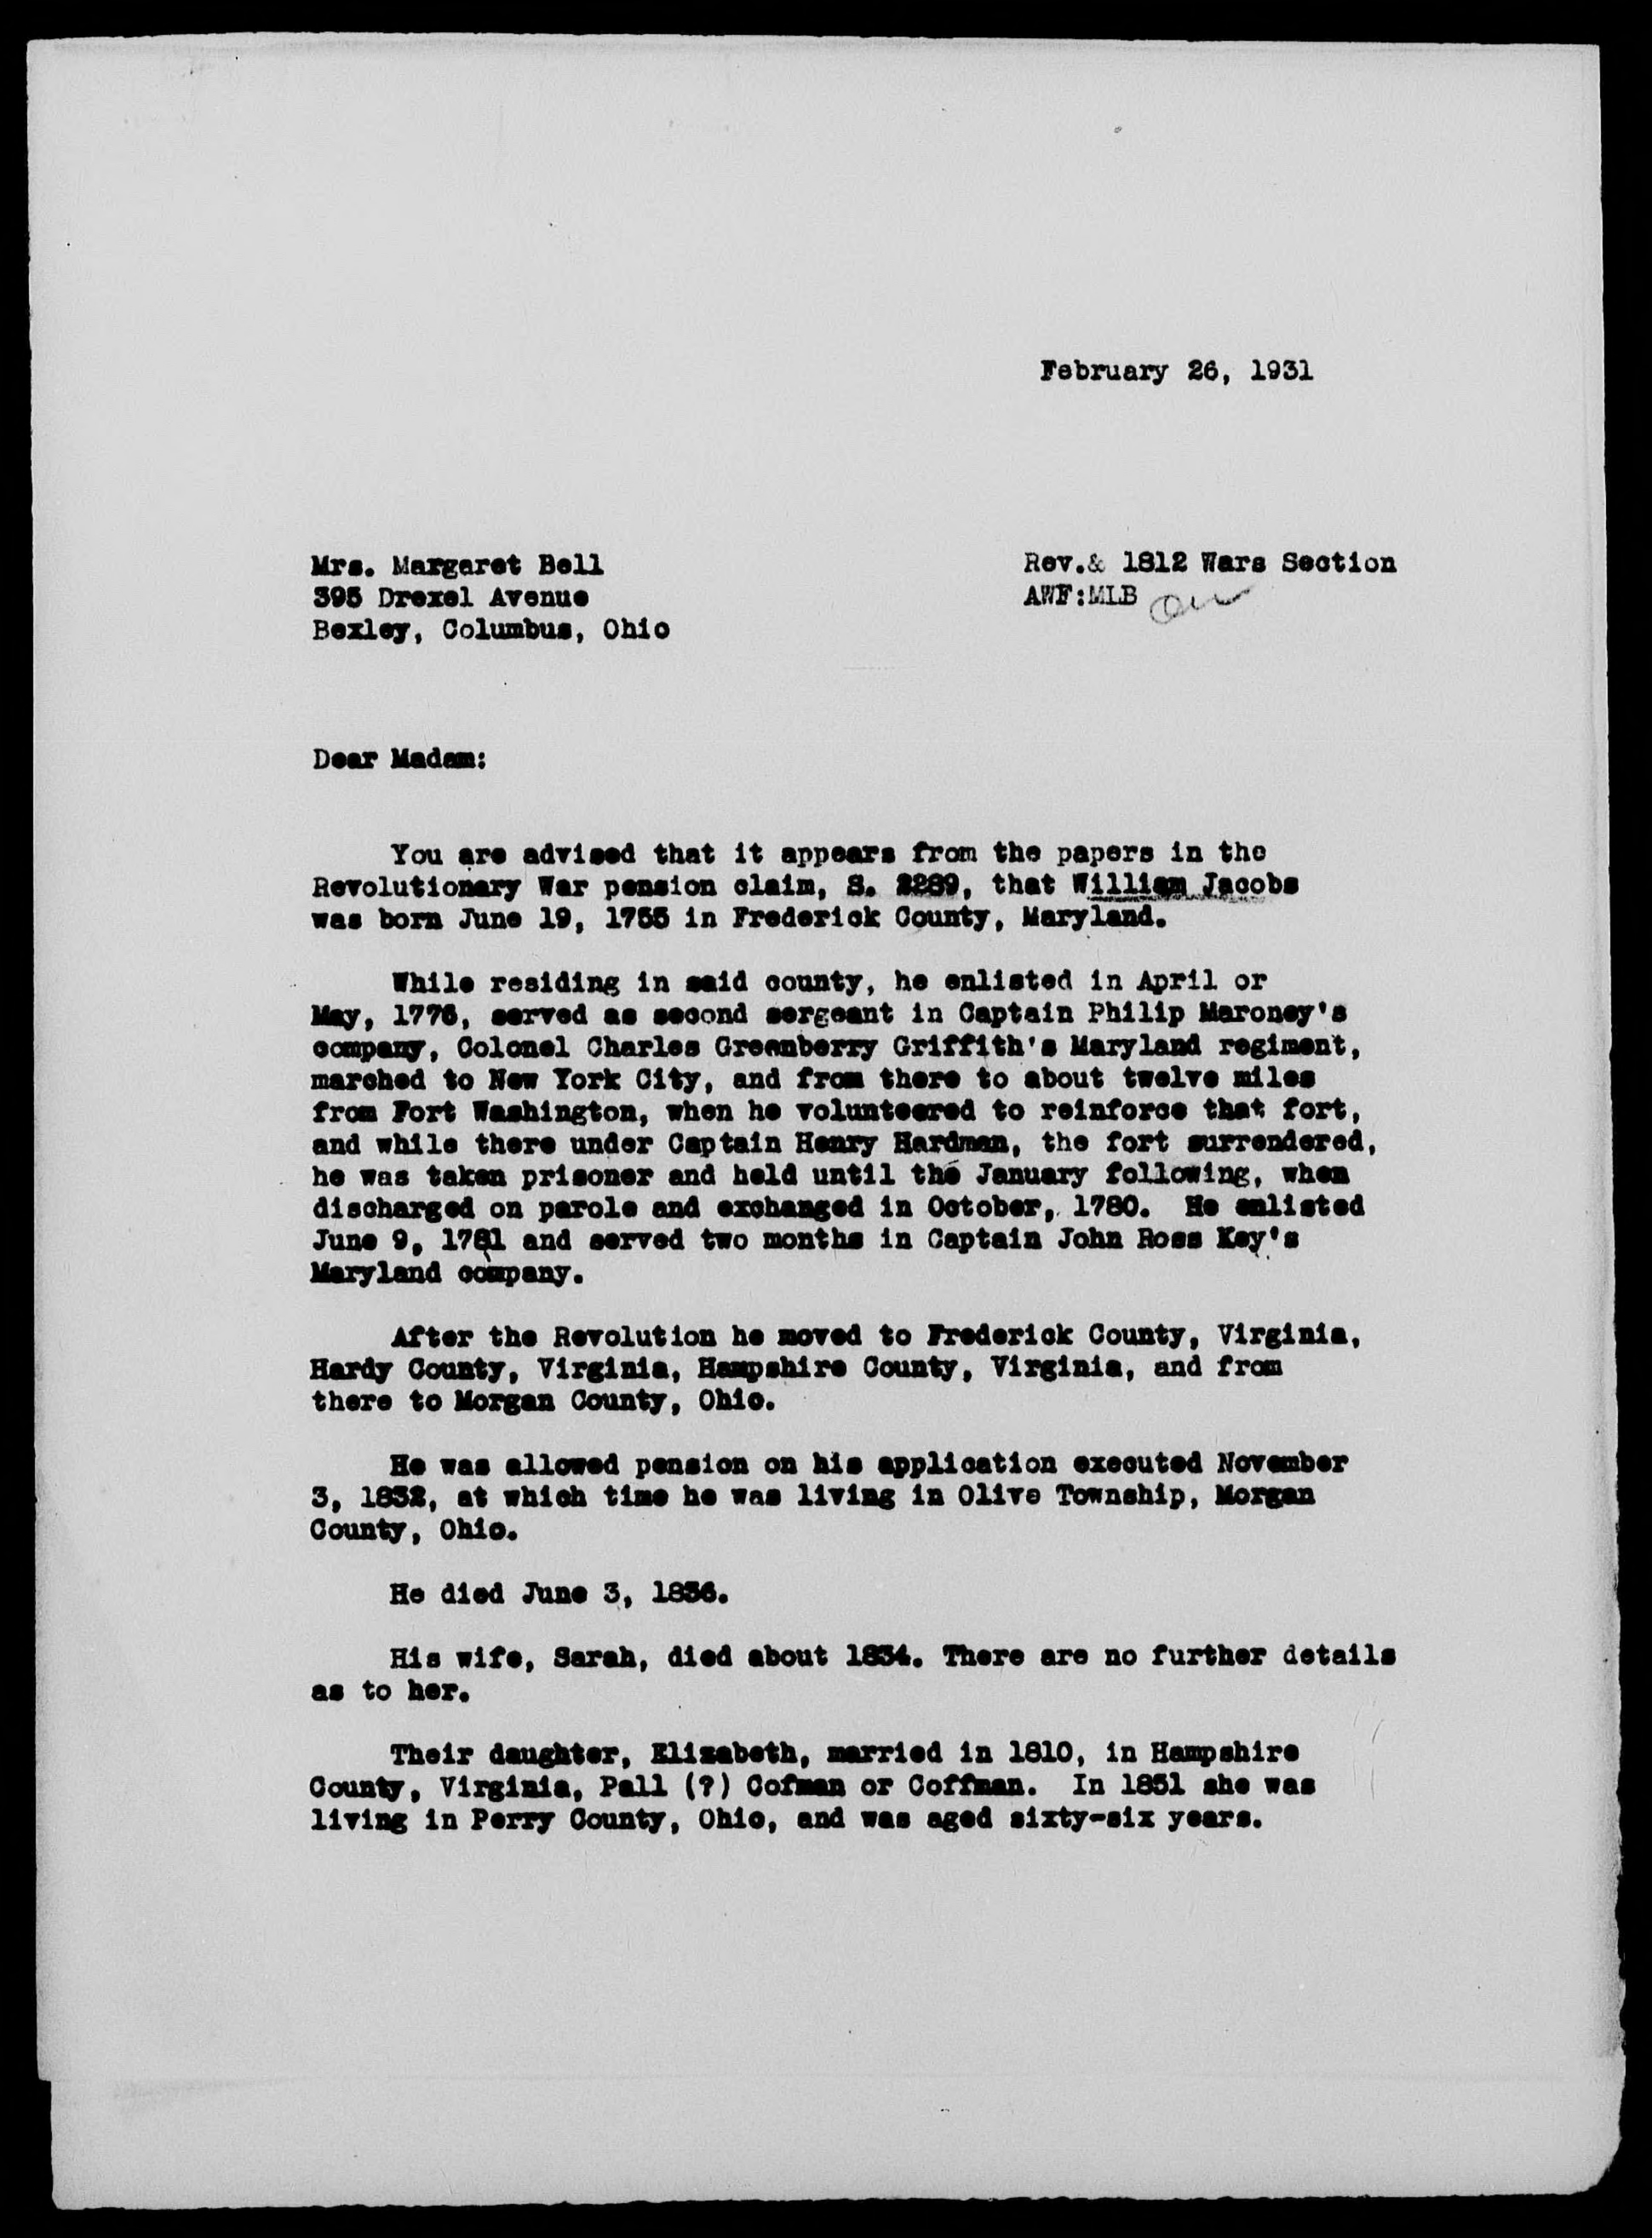February 26, 1931

Mrs. Margaret Bell 
595 Drexel Avenue 
Bexley, Columbus, Ohio 

Rev. & 1812 Wars Section 
AWF:MLB 

Dear Madam:

You are advised that it appears from the papers in the Revolutionary War pension claim, S. 2289, that William Jacobs was born June 19, 1755 in Frederick County, Maryland. 

While residing in said county, he enlisted in April or May, 1776, served as second sergeant in Captain Philip Maroney's company, Colonel Charles Greenberry Griffith's Maryland regiment, marched to New York City, and from there to about twelve miles from Fort Washington, when he volunteered to reinforce that fort, and while there under Captain Henry Hardman, the fort surrendered, he was taken prisoner and held until the January following, when discharged on parole and exchanged in October, 1780. He enlisted June 9, 1781 and served two months in Captain John Ross Key's Maryland Company. 

After the Revolution he moved to Frederick County, Virginia, Hardy County, Virginia, Hampshire County, Virginia, and from there to Morgan County, Ohio. 

He was allowed pension on his application executed November 3, 1832, at which time he was living in Olive Township, Morgan County, Ohio. 

He died June 3, 1836. 

His wife, Sarah, died about 1834. There are no further details as to her. 

Their daughter, Elizabeth, married in 1810, in Hampshire County, Virginia, Pall (?) Cofman or Coffman. In 1851 she was living in Perry County, Ohio, and was aged sixty-six years.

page: 12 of 23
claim: survivor's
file: S. 2289, for William Jacobs, Maryland